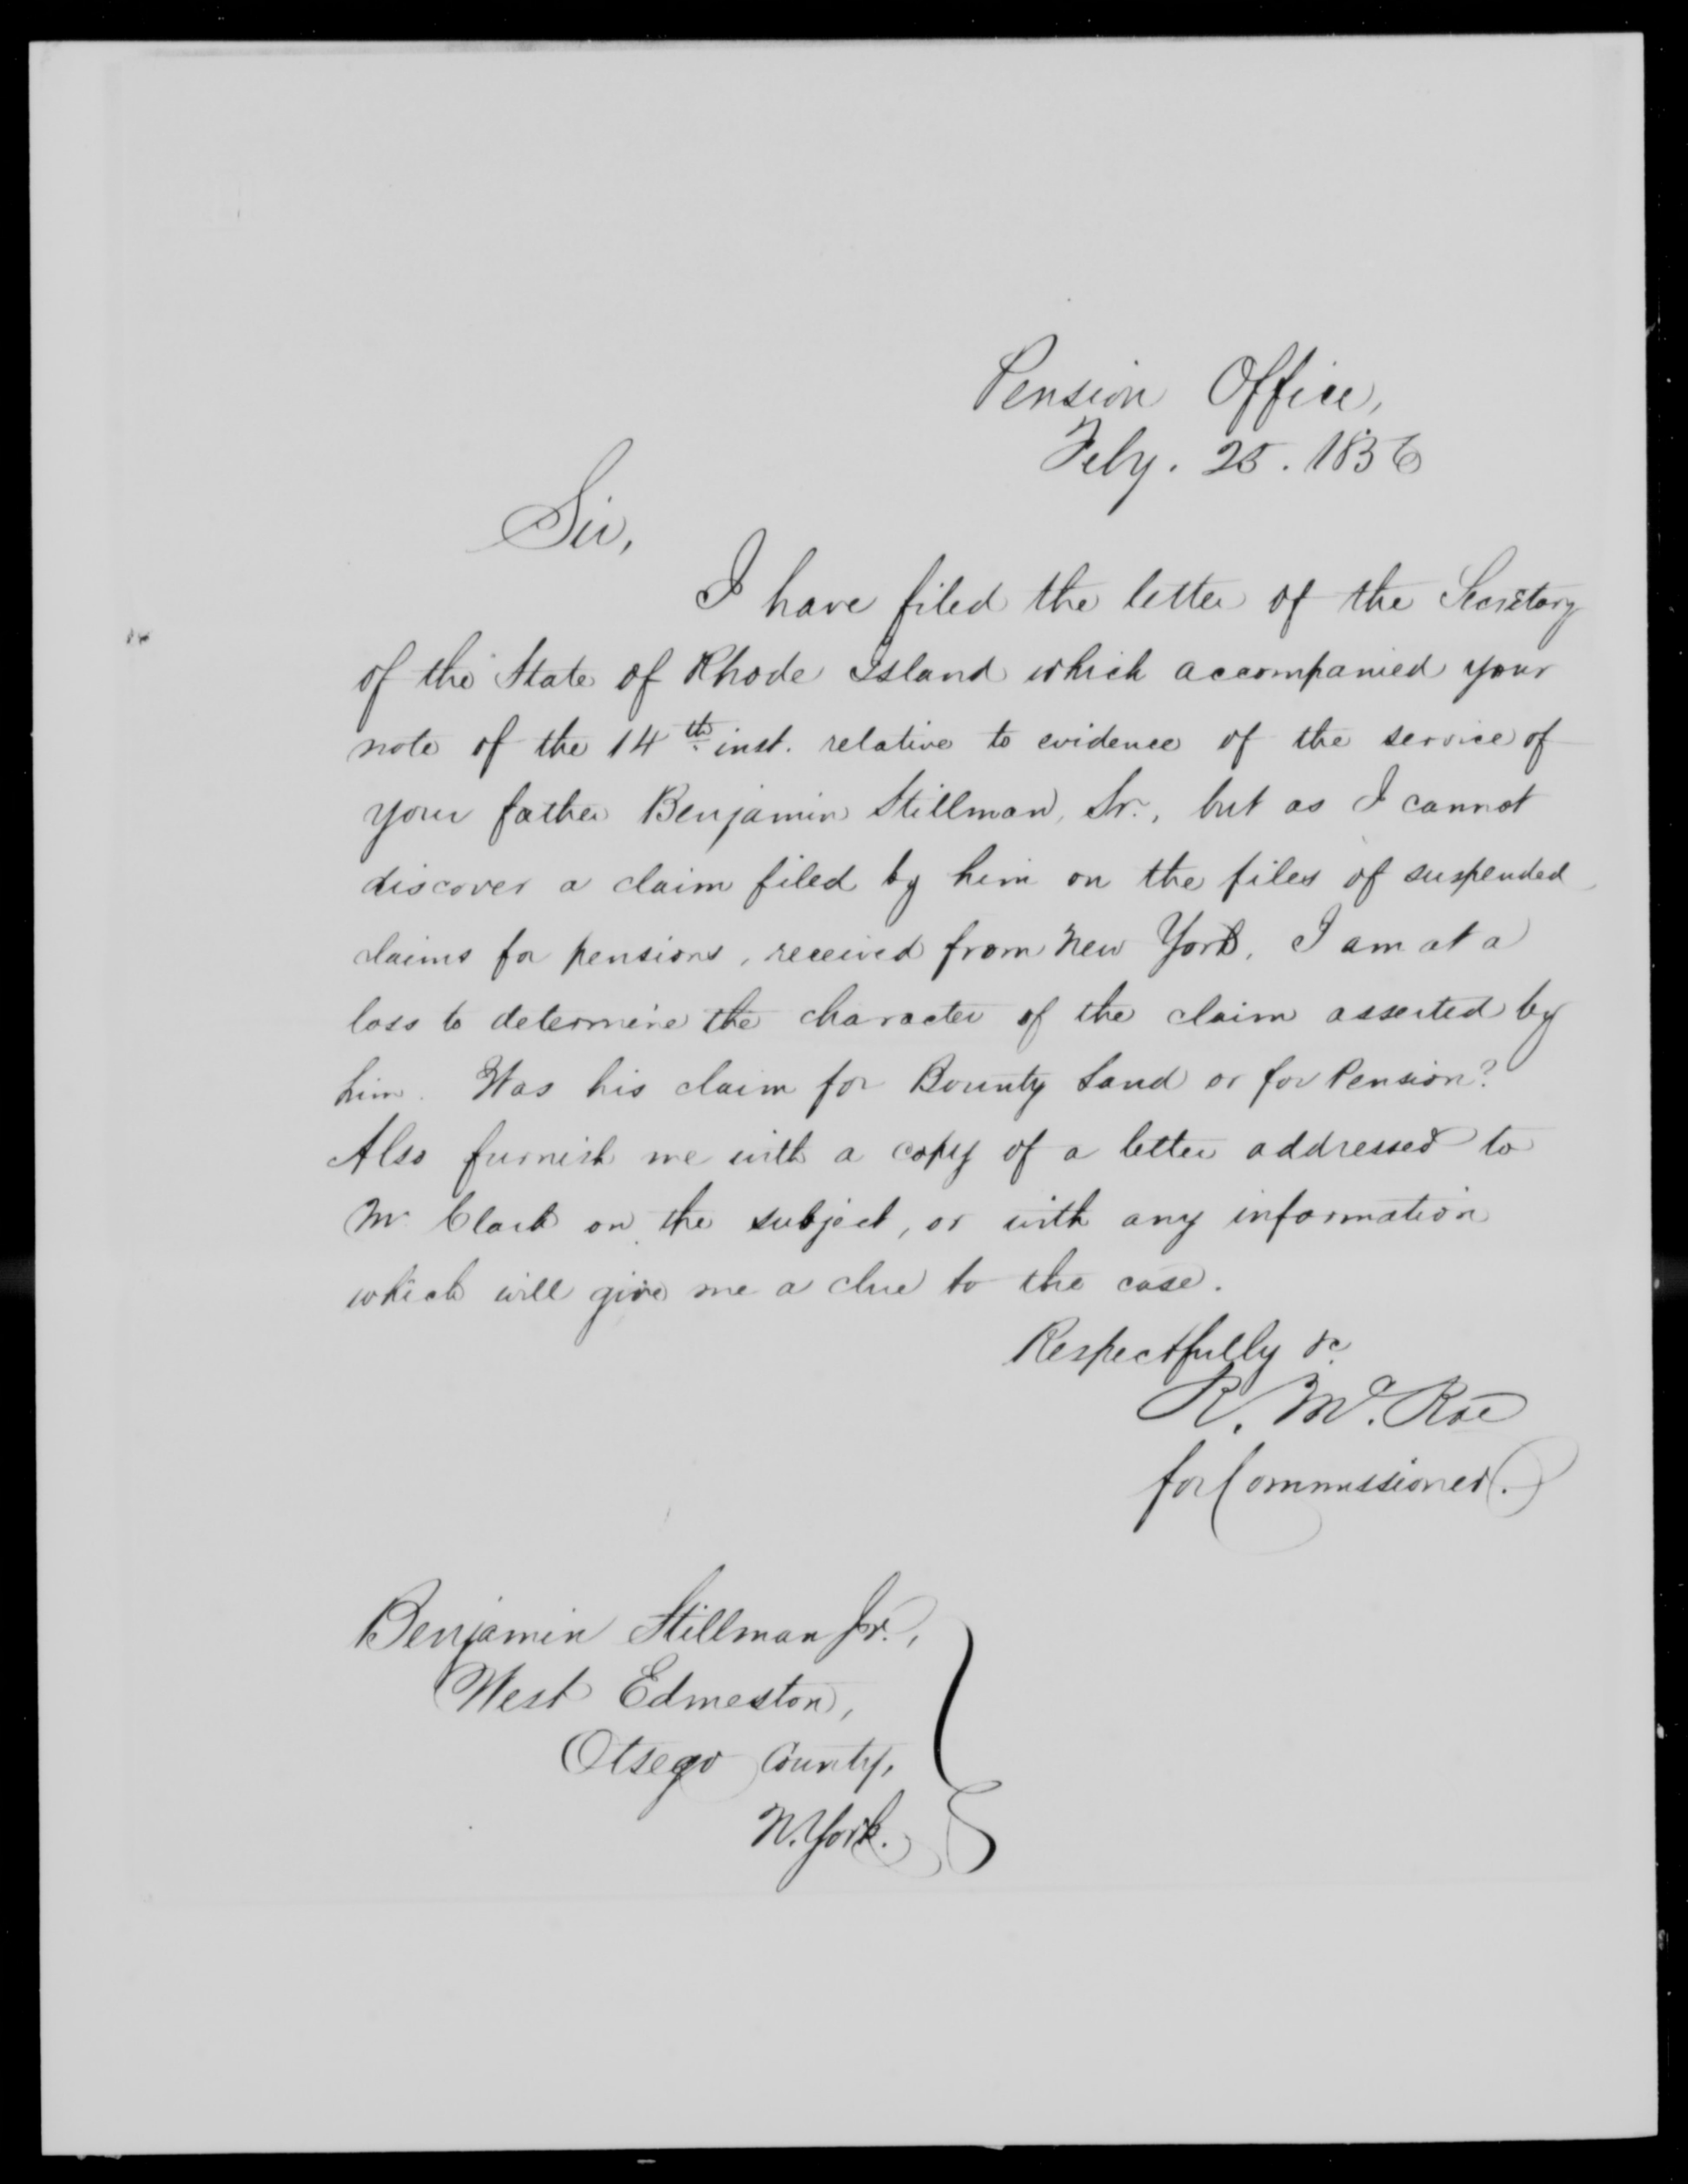Pension Office,
Feby. 25. 1836

Sir, 
I have filed the letter of the Secretary of the State of Rhode Island which accompanied your note of the 14th inst. relative to evidence of the service of your father Benjamin Stillman, Sr., but as I cannot discover a claim filed by him on the files of suspended claims for pensions, received from New York. I am at a loss to determine the character of the claim asserted by him. Was his claim for Bounty Land or for Pension? Also furnish me with a copy of a letter addressed to Mr Clark on the subject, or with any information which will give me a clue to the case. 
Respectfully &c
 R. McRae Benjamin 
for Commissioner.
Stillman Jr. West Edmeston, Otsego County, N. York}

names: Benjamin Stillman; [BLANK] Clark; R Mc Rae; Benjamin Stillman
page: 22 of 29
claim: bounty land warrant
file: B.L.Wt.47987-160-55, for Benjamin Stillman, Rhode Island